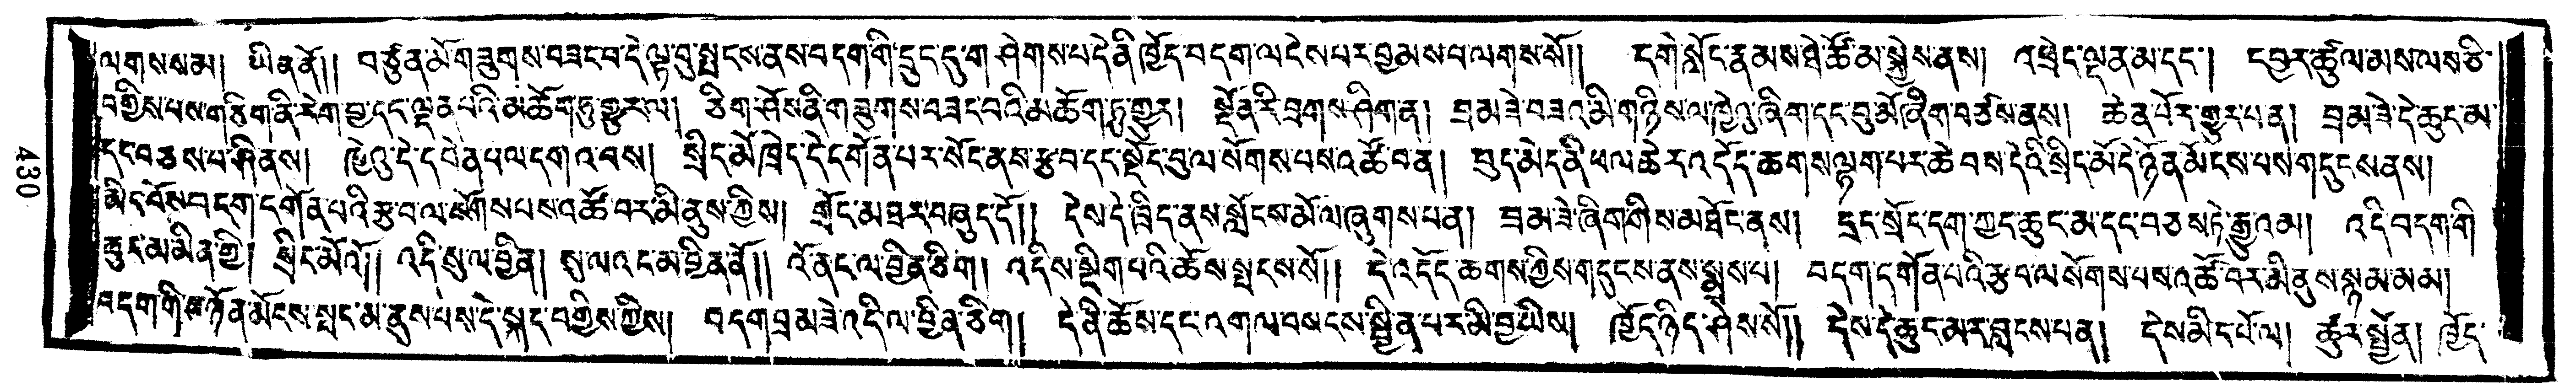ལགས་སམ། ཡིན་ནོ།། བཙུན་མོ་གཟུགས་བཟང་བ་དེ་ལྟ་བུ་སྤངས་ནས་བདག་གི་དྲུང་དུ་གཤེགས་པ་དེ་ནི་ཁྱོད་བདག་ལ་ངེས་པར་བྱམས་བ་ལགས་སོ།། དགེ་སློང་རྣམས་ཐེ་ཚོམ་སྐྱེས་ནས། འཕྲེང་ལྡན་མ་དང་། དབྱར་ཚུལ་མས་ལས་ཅི་
བགྱིས་པས་གཅིག་ནི་རེག་བྱ་དང་ལྡན་པའི་མཆོག་ཏུ་གྱུར་ལ། ཅིག་ཤོས་ནི་གཟུགས་བཟང་བའི་མཆོག་ཏུ་གྱུར། སྡོན་རི་བྲགས་ཤིག་ན། བྲམ་ཟེ་བཟའ་མི་གཉིས་ལ་ཁྱེའུ་ཞིག་དང་བུ་མོ་ཞིག་བཙས་ནས། ཆེན་པོར་གྱུར་པ་ན། བྲམ་ཟེ་དེ་ཆུང་མ་
དང་བཅས་པ་ཤི་ནས། ཁྱེའུ་དེ་དབེན་པ་ལ་དགའ་བས། སྲིད་མོ་ཁྱེད་དེ་དགོན་པར་སོང་ནས་རྩ་བ་དང་སྡོང་བུ་ལ་སོགས་པས་འཚོ་བ་ན། བུད་མེད་ནི་ཕལ་ཆེར་འདོད་ཆགས་ལྷག་པར་ཆེ་བས་དེའི་སྲིད་མོ་དེ་ཉོན་མོངས་པས་གདུངས་ནས།
མིང་བོས་བདག་དགོན་པའི་རྩ་བ་ལ་སོགས་པས་འཚོ་བར་མི་ནུས་ཀྱིས། གྲོང་མཐར་བཞུད་དོ།། དེས་དེ་ཁྲིད་ནས་སློངས་མོ་ལ་ཞུགས་པ་ན། བྲམ་ཟེ་ཞིག་གིས་མཐོང་ནས། དྲང་སྲོང་དག་ཀྱང་ཆུང་མ་དང་བཅས་ཏེ་རྒྱུ་འམ། འདི་བདག་གི་
ཆུང་མ་མིན་གྱི། སྲིང་མོའོ།། འདི་སུ་ལ་བྱིན། སུ་ལའང་མ་བྱིན་ནོ།། འོ་ནང་ལ་བྱིན་ཅིག། འདིས་སྡིག་པའི་ཆོས་སྤངས་སོ།། དེ་འདོད་ཆགས་ཀྱིས་གདུངས་ནས་སྨྲས་པ། བདག་དགོན་པའི་རྩབ་ལ་སོགས་པས་འཚོ་བར་མི་ནུས་སྙམ་མམ།
བདག་གིས་ཉོན་མོངས་སྤང་མ་ནུས་པས་དེ་སྐད་བགྱིས་ཀྱིས། བདག་བྲམ་ཟེ་འདི་ལ་བྱིན་ཅིག། དེ་ནི་ཆོས་དང་འགལ་བསངས་སྦྱིན་པར་མི་བྱ་ཡིས། ཁྱོད་ཉིད་ཤེས་སོ།། དེས་དེ་ཆུང་མར་བླངས་པ་ན། དེས་མིང་པོ་ལ། ཚུར་སྦྱོན། ཁྱོད་